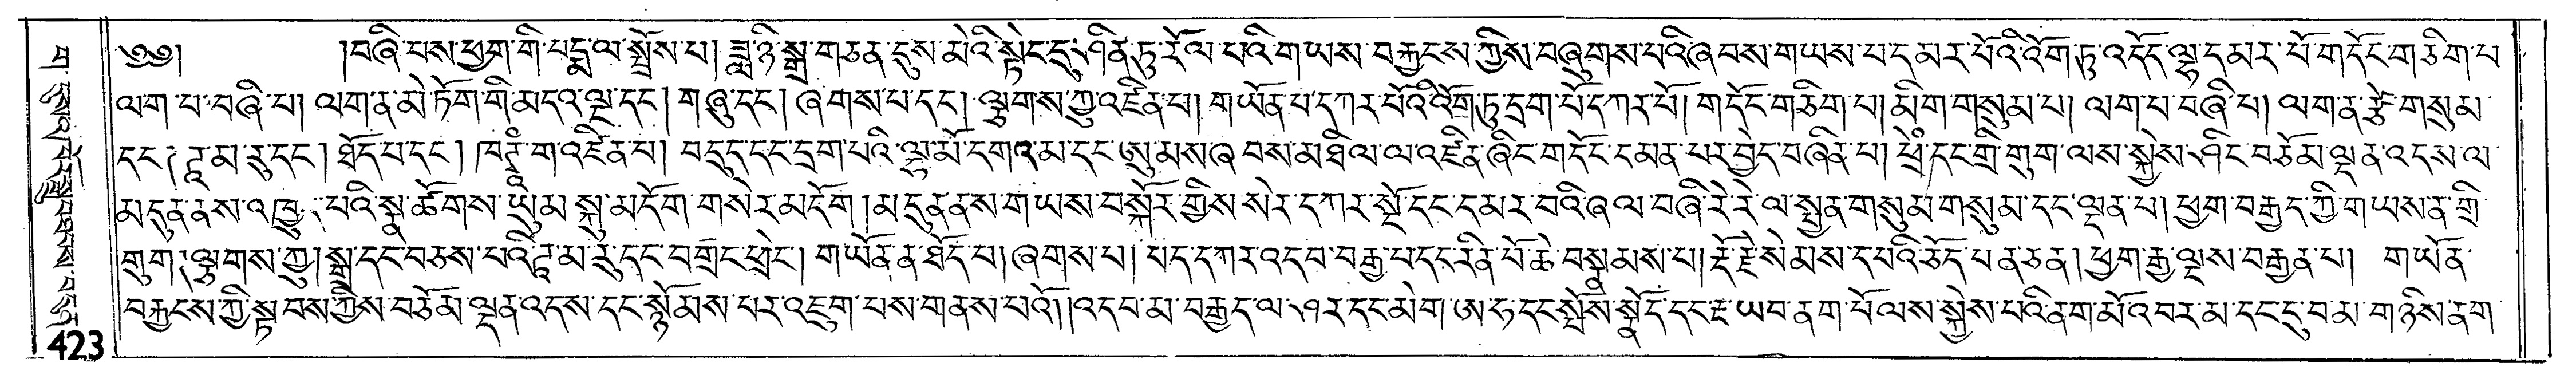༄༅། །བཞི་པས་ཕྱག་གི་པདམ་ལ་སྤྲོས་པ། ཟླ་ཉི་སྒྲ་གཅན་དུས་མེའི་སྟེང་དུ་ཤིན་ཏུ་རོལ་པའི་གཡས་བརྐྱངས་ཀྱིས་བཞུགས་པའི་ཞབས་གཡས་པ་དམར་པོའི་འོག་ཏུ་འདོད་ལྷ་དམར་པོ་གདོང་གཅིག་པ་
ལག་པ་བཞི་པ། ལག་ན་མེ་ཏོག་གི་མདའ་ལྔ་དང་། གཞུ་དང་། ཞགས་པ་དང་། ལྕགས་ཀྱུ་འཛིན་པ། གཡོན་པ་དཀར་པོའི་འོག་ཏུ་དྲག་པོ་དཀར་པོ། གདོང་གཅིག་པ། མིག་གསུམ་པ། ལག་པ་བཞི་པ། ལག་ན་རྩེ་གསུམ་
དང་། ཌཱ་མ་རུ་དང་། ཐོད་པ་དང་། ཁཊྭཱཾ་ག་འཛིན་པ། བདུད་དང་དྲག་པའི་ལྷ་མོ་དགའ་མ་དང་ཨུ་མས་ཞབས་མཐིལ་ལ་འཛིན་ཞིང་གདོང་དམན་པར་བྱེད་བཞིན་པ། ཕྲེཾ་དང་གྲི་གུག་ལས་སྐྱེས་ཤིང་བཅོམ་ལྡན་འདས་ལ་
མདུན་ནས་འཁྱུད་པའི་སྣ་ཚོགས་ཡུམ་སྐུ་མདོག་གསེར་མདོག །མདུན་ནས་གཡས་བསྐོར་གྱིས་སེར་དཀར་སྔོ་དང་དམར་བའི་ཞལ་བཞི་རེ་རེ་ལ་སྤྱན་གསུམ་གསུམ་དང་ལྡན་པ། ཕྱག་བརྒྱད་ཀྱི་གཡས་ན་གྲི་
གུག ༑ལྕགས་ཀྱུ། སྒྲ་དང་བཅས་པའི་ཌཱ་མ་རུ་དང་བགྲང་ཕྲེང་། གཡོན་ན་ཐོད་པ། ཞགས་པ། པད་དཀར་འདབ་བརྒྱ་པ་དང་རིན་པོ་ཆེ་བསྣམས་པ། རྡོ་རྗེ་སེམས་དཔའི་ཅོད་པན་ཅན། ཕྱག་རྒྱ་ལྔས་བརྒྱན་པ། གཡོན་
བརྐྱངས་ཀྱི་སྟབས་ཀྱིས་བཅོམ་ལྡན་འདས་དང་སྙོམས་པར་འཇུག་པས་གནས་པའོ། །འདབ་མ་བརྒྱད་ལ་ཤར་དང་མེག་ཨ་ཧ་དང་སྤོས་སྣོད་དང་རྔ་ཡབ་ནག་པོ་ལས་སྐྱེས་པའི་ནག་མོ་འབར་མ་དང་དུ་བ་མ་གཉིས་ནག་